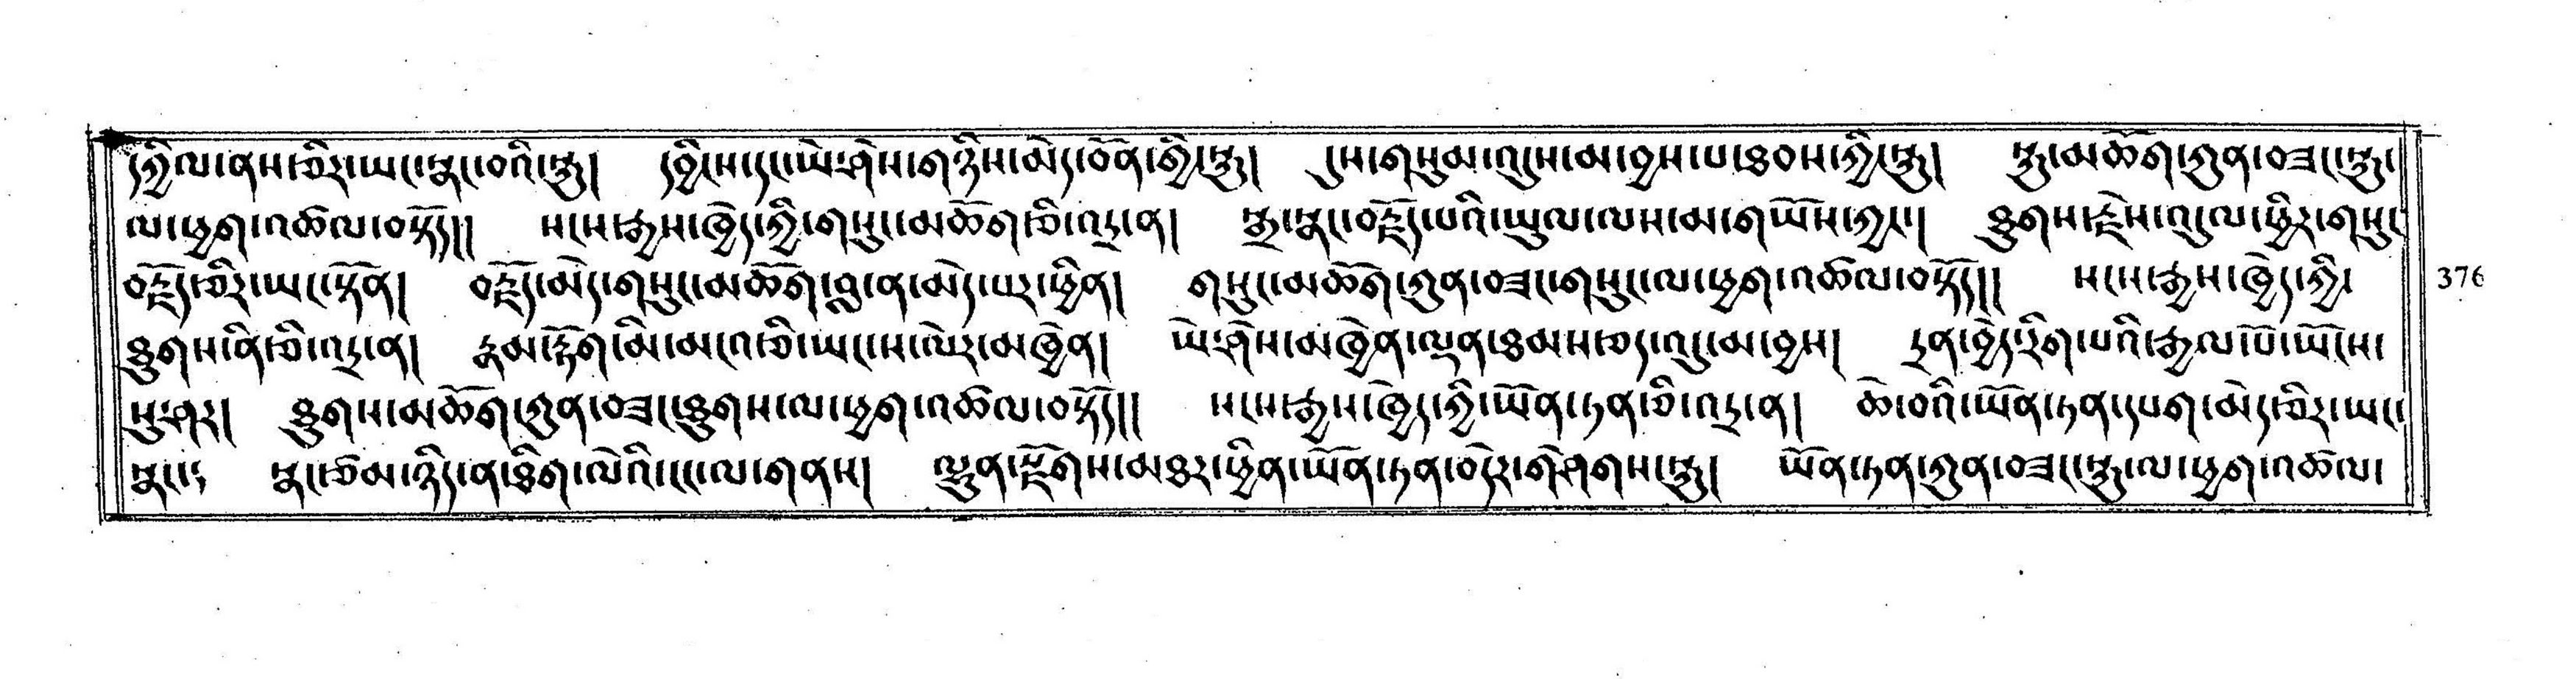དཀྱིལ་ནས་ཅིར་ཡང་སྣང་བའི་སྐུ། དབྱིངས་དང་ཡེ་ཤེས་གཉིས་མེད་བོན་གྱི་སྐུ། དུས་གསུམ་འདུས་མ་བྱས་པ་ཐབས་ཀྱི་སྐུ། སྐུ་མཆོག་ཀུན་བཟང་སྐུ་
ལ་ཕྱག་འཚལ་བསྟོད།། སངས་རྒྱས་ཁྱེད་ཀྱི་གསུང་མཆོག་ཅི་འདྲ་ན། སྒྲ་སྣང་བརྗོད་པའི་ཡུལ་ལས་མ་གཡོས་ཀྱང་། ཐུགས་རྗེས་འདུལ་ཕྱིར་གསུང་
བརྗོད་ཅིར་ཡང་སྟོན། བརྗོད་མེད་གསུང་མཆོག་བླ་ན་མེད་པར་ཕྱིན། གསུང་མཆོག་ཀུན་བཟང་གསུང་ལ་ཕྱག་འཚལ་བསྟོད།། སངས་རྒྱས་ཁྱེད་ཀྱི་
ཐུགས་ནི་ཅི་འདྲ་ན། རྣམ་རྟོག་མི་མངའ་ཅི་ཡང་ས་ལེར་མཁྱེན། ཡེ་ཤེས་མཁྱེན་ལྡན་ཐམས་ཅད་འདུ་མ་བྱས། དྲན་བྱེད་རིག་པའི་རྒྱལ་པོ་ཡོངས་
སུ་ཤར། ཐུགས་མཆོག་ཀུན་བཟང་ཐུགས་ལ་ཕྱག་འཚལ་བསྟོད།། སངས་རྒྱས་ཁྱེད་ཀྱི་ཡོན་ཏན་ཅི་འདྲ་ན། ཆེ་བའི་ཡོན་ཏན་དཔག་མེད་ཅིར་ཡང་
སྣང་། སྣང་ཙམ་ཉིད་ན་ཐིག་ལེའི་ངང་ལ་གནས། ལྷུན་རྫོགས་མཐར་ཕྱིན་ཡོན་ཏན་བདེར་གཤེགས་སྐུ། ཡོན་ཏན་ཀུན་བཟང་སྐུ་ལ་ཕྱག་འཚལ་